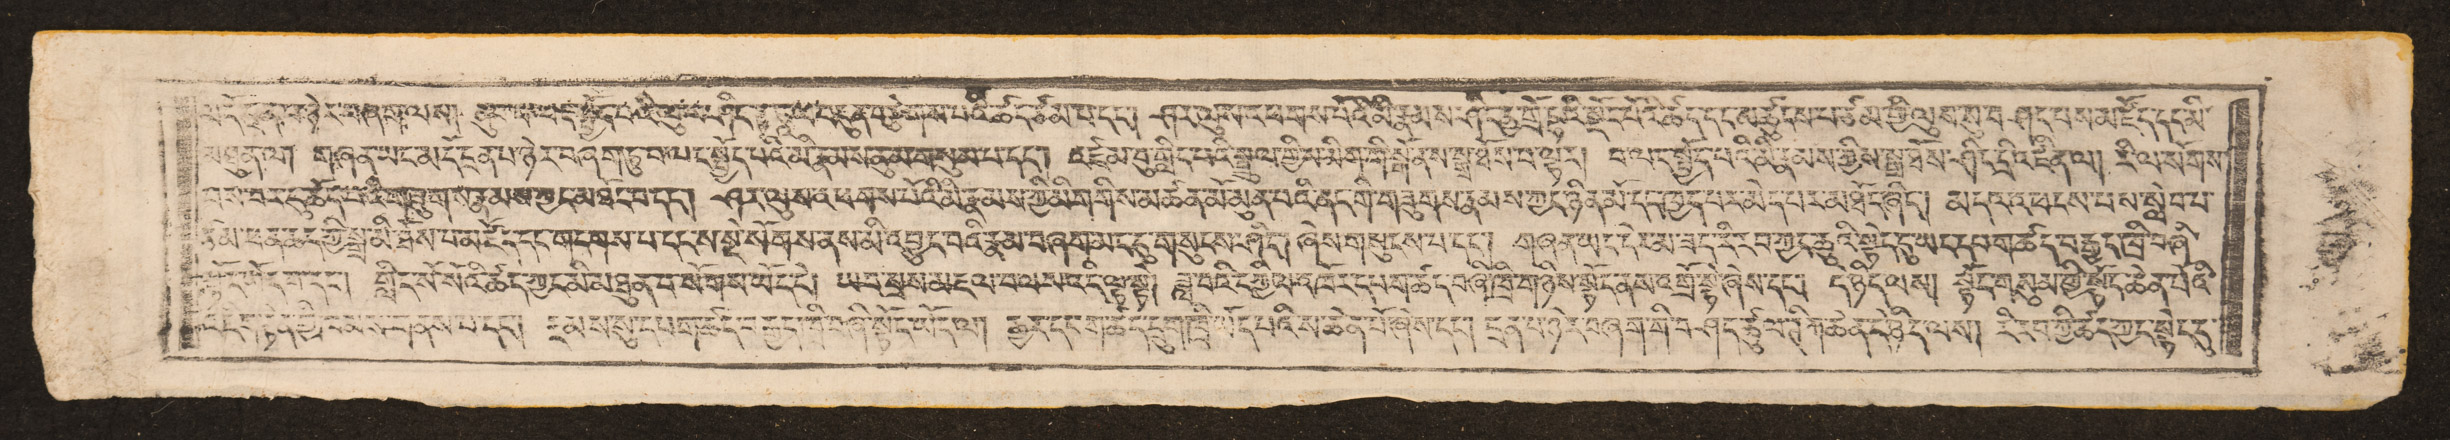མདོ་དྲན་པ་ཉེར་བཞག་ལས། ནུབ་པ་ལང་སྤྱོད་པའི་ལུས་ཤིང་རྟ་ཏཱ་ལ་བདུན་བརྩེགས་པའི་ཚད་ཙམ་པ་དང་། ཤར་ལུས་འཕགས་པོའི་མི་རྣམས་ཤིང་མྱ་གྲོ་དྷའི་སྡོང་པོའི་ཚད་དང་མཚུངས་པ་ཙམ་གྱི་ལུས་སུ་བཤང་བས་མཛོད་དང་མི་
མཐུན་ལ། གཞན་ཡང་མདོ་དྲན་པ་ཉེར་བཞག་ཏུ་བ་ལང་སྤྱོད་པའི་མི་རྣམས་ནུ་མ་གསུམ་པ་དང་། འཛམ་བུ་གླིང་པའི་སྦྲུལ་གྱིས་མིག་གི་སྒོ་ནས་སྒྲ་ཐོས་པ་ལྟར། བ་ལང་སྦྱོང་པའི་མི་རྣམས་ཀྱིས་སྒྲ་ཐོས་ཤིང་དྲི་འཛིན་ལ། རི་ལ་སོགས་
པས་བར་དུ་ཆོད་པའི་གཟུགས་རྣམས་ཀྱང་མཐོང་བ་དང་། ཤར་ལུས་འཕགས་པོའི་མི་ནམས་ཀྱི་མིག་གིས་མཚན་མོ་མུན་པའི་ནང་གི་གཟུགས་ནམས་ཀྱང་ཉིན་མོ་དང་ཁྱད་པར་མེད་པར་མཐོང་ཞིང་། མདའ་འཕངས་པས་སླེབ་པ་
ཙམ་ཕན་ཆད་ཀྱི་སྒྲ་མི་ཐོས་པ་མཛོད་དང་གདགས་པ་དངས་སྡེ་སོགས་ནས་མི་འབྱུང་བའི་རྣམ་བཞག་མང་དུ་གསུངས་ཤིང་། ཞེས་གསུངས་པ་དང་། གཞན་ཡང་དེར་མ་ཟང་རི་རབ་ཀྱང་ཆུའི་སྟེང་དུ་ཡང་དཔག་ཚད་བརྒྱད་ཁྲི་བཞི་
སྟོང་ཡོད་པ་དང་། གླིང་སོ་སོའི་ཚད་ཀྱང་མི་མཐུན་པ་སོགས་ཡོད་དེ། ཡབ་སྲས་མཇལ་བ་ལས་འདི་ལྟ་སྟེ། ཟླ་བའི་དཀྱིལ་འཁོར་དཔག་ཚད་བཞི་ཁྲི་གཉིས་སྟོང་ནས་འགྲོ་སྟེ་ཞེས་དང་། དེ་ཉིད་ལས། སྟོང་གསུམ་གྱི་སྟོང་ཆེན་པོའི་
འཇིག་རྟེན་གྱི་ཁམས་གནས་པ་དང་། རྔམས་སུ་དཔག་ཚད་བརྒྱད་ཁྲི་བཞི་སྟོང་ཡོད་ལ། རྒྱར་དཔག་ཚད་དྲུག་ཁྲི་ཡོད་པའི་ས་ཆེན་པོ་ཞེས་དང་། དྲན་པ་ཉེར་བཞག་གི་བཤད་ཚུལ་ཊིཀ་ཆེན་དེ་ཉིད་ལས། རི་རབ་ཀྱི་ཚད་ཀྱང་སྟེང་དུ་